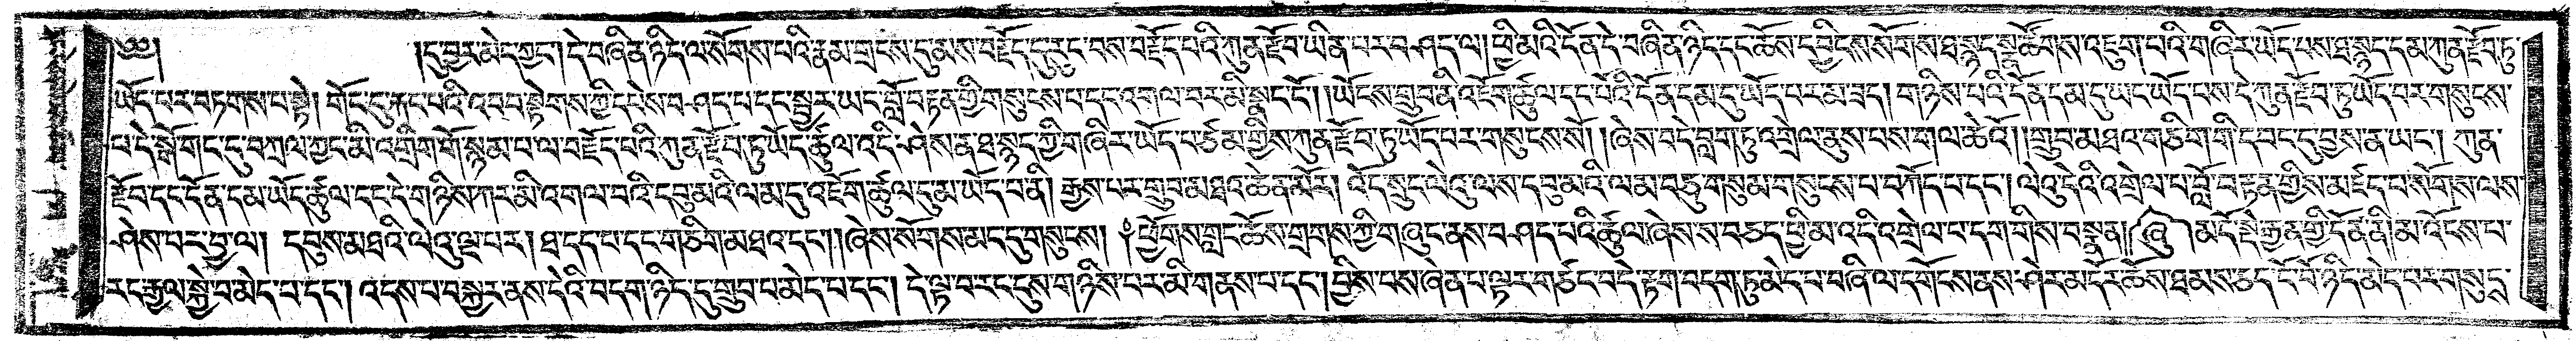༄༅། །དུ་བྱར་མེད་ཀྱང་། དེ་བཞིན་ཉིད་ལ་སོགས་པའི་རྣམ་གྲངས་དུ་མས་བརྗོད་དུ་རུང་བས་བརྗོད་པའི་ཀུན་རྫོབ་ཡིན་པར་བཤད་ལ། ཕྱི་མའི་དོན་དེ་བཞིན་ཉིད་དང་ཆོས་དབྱིངས་སོགས་ཐ་སྙད་སྣ་ཚོགས་འཇུག་པའི་གཞིར་ཡོད་པས་ཐ་སྙད་དམ་ཀུན་རྫོབ་ཏུ་
ཡོད་པར་བཏགས་པ་སྟེ། གོང་དུ་རྐང་པའི་འབབ་སྟེགས་ཀྱི་དཔེས་བཤད་པ་དང་སྦྱར་ཡང་བློ་བརྟན་གི་གསུངས་པ་དང་འགལ་བར་མི་སྣང་ངོ། །ཡོངས་གྲུབ་ནི་འཇོག་ཚུལ་དང་པོའི་དོན་དམ་དུ་ཡོད་པར་མ་ཟད། གཉིས་པའི་དོན་དམ་དུ་ཡང་ཡོད་པས་དེ་ཀུན་རྫོབ་ཏུ་ཡོད་པར་གསུངས་
པ་དེ་སྒོ་གང་དུ་བཀྲལ་ཀྱང་མི་འགྲིག་གོ་སྙམ་པ་ལ་བརྗོད་པའི་ཀུན་རྫོབ་ཏུ་ཡོད་ཚུལ་འདི་ཤེས་ན་ཐ་སྙད་ཀྱི་གཞིར་ཡོད་པ་ཙམ་གྱིས་ཀུན་རྫོབ་ཏུ་ཡོད་པར་གསུངས་སོ། །ཞེས་བདེ་བླག་ཏུ་འགྲེལ་ནུས་པས་གལ་ཆེའོ། །གྲུབ་མཐའ་གཅིག་གི་དབང་དུ་བྱས་ན་ཡང་། ཀུན་
རྫོབ་དང་དོན་དམ་ཡོད་ཚུལ་དང་དེ་གཉིས་ཀར་མི་འགལ་བའི་དབུ་མའི་ལམ་དུ་འཇོག་ཚུལ་དུ་མ་ཡོད་པ་ནི། རྒྱས་པར་གྲུབ་མཐའ་ཆེན་མོར། འོད་སྲུང་ལེའུ་ལས་དབུ་མའི་ལམ་བཅུ་གསུམ་གསུངས་པ་བཀོད་པ་དང་། ལེའུ་དེའི་འགྲེལ་པ་བློ་བརྟན་གྱིས་མཛད་པ་སོགས་ལས་
ཤེས་པར་བྱ་ལ། དབུས་མཐའི་ལེའུ་ལྔ་པར། ཐ་དད་པ་དང་གཅིག་མཐའ་དང་། །ཞེས་སོགས་མང་དུ་གསུངས། ༑ཕྱོགས་གླང་ཆོས་གྲགས་ཀྱི་གཞུང་ནས་བཤད་པའི་ཚུལ་ཞེས་ས་བཅད་ཕྱི་མ་འདི་འགྲེལ་བ་དག་གིས་བསྣན། ༼ཞུ༽ མདོ་སྡེ་རྒྱན་གྱི་དོན་ནི། མ་འོངས་པ་
རང་རྒྱལ་སྐྱེ་བ་མེད་པ་དང་། འདས་པ་བསྐྱར་ནས་དེའི་བདག་ཉིད་དུ་གྲུབ་པ་མེད་པ་དང་། དེ་ལྟ་བ་རང་དུས་གཉིས་པར་མི་གནས་པ་དང་། བྱིས་པས་ཞེན་པ་ལྟར་གཙང་བདེ་རྟག་བདག་ཏུ་མེད་པ་བཞི་ལ་དགོངས་ནས་ཤེར་མདོར་ཆོས་ཐམས་ཅད་ངོ་བོ་ཉིད་མེད་པར་གསུངས་